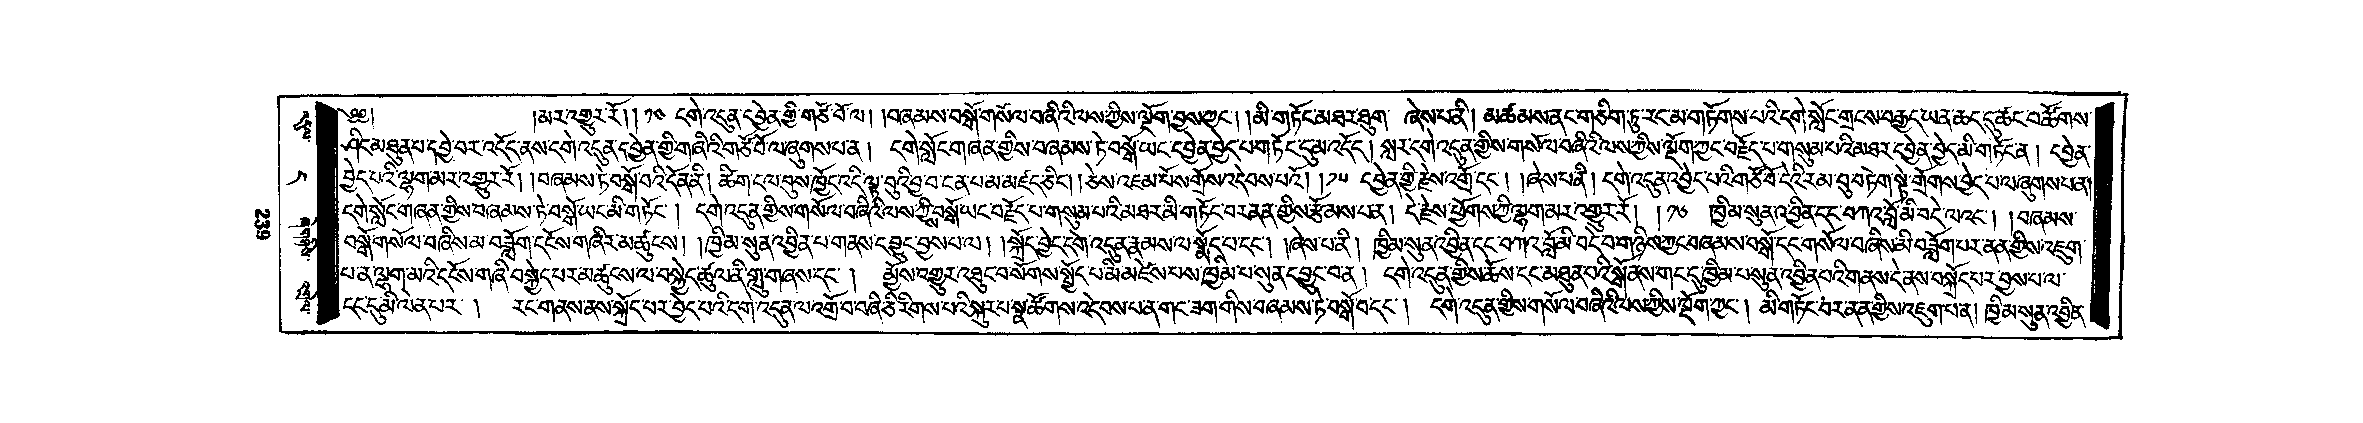༄༅། །མར་འགྱུར་རོ། །དགེ་འདུན་དབྱེན་གྱི་གཙོ་བོ་ལ། །བཞམས་བསྒོ་གསོལ་བཞིའི་ལས་ཀྱིས་ལྡོག་བྱས་ཀྱང་། །མི་གཏོང་མཐར་ཐུག་ཞེས་པ་ནི། མཚམས་ནང་གཅིག་ཏུ་རང་མ་གཏོགས་པའི་དགེ་སློང་གྲངས་བརྒྱད་ཡན་ཆད་དུ་ཚང་བ་ཚོགས་
ཤིང་མཐུན་པ་དབྱེ་བར་འདོད་ནས་དགེ་འདུན་དབྱེན་གྱི་གཞིའི་གཙོ་བོ་ལ་ཞུགས་པ་ན། དགེ་སློང་གཞན་གྱིས་བཞམས་ཏེ་བསྒོ་ཡང་དབྱེན་བྱེད་པ་གཏོང་དུ་མ་འདོད། སླར་དགེ་འདུན་གྱིས་གསོལ་བཞིའི་ལས་ཀྱིས་ལྡོག་ཀྱང་བརྗོད་པ་གསུམ་པའི་མཐར་དབྱེན་བྱེད་མི་གཏོང་ན། དབྱེན་
བྱེད་པའི་ལྷག་མར་འགྱུར་རོ། །བཞམས་ཏེ་བསྒོ་བའི་དོན་ནི། ཚིག་དལ་བུས་ཁྱོད་འདི་ལྟ་བུའི་བྱ་བ་ངན་པ་མ་མཛད་ཅིང་། །ཅེས་འཇམ་པོས་གྲོས་འདེབས་པའོ། །དབྱེན་གྱི་རྗེས་འགྲོ་དང་། །ཞེས་པ་ནི། དགེ་འདུན་འབྱེད་པའི་གཙོ་བོ་དེའི་རམ་བུ་བཏེག་སྟེ་གྲོགས་བྱེད་པ་ལ་ཞུགས་པ་ན།
དགེ་སློང་གཞན་གྱིས་བཞམས་ཏེ་བསྒོ་ཡང་མི་གཏོང་། དགེ་འདུན་གྱིས་གསོལ་བཞིའི་ལས་ཀྱིས་བསྒོ་ཡང་བརྗོད་པ་གསུམ་པའི་མཐར་མི་གཏོང་བར་ནན་གྱིས་རྩོམས་པ་ན། དེ་རྗེས་ཕྱོགས་ཀྱི་ལྷག་མར་འགྱུར་རོ། །ཁྱིམ་སུན་འབྱིན་དང་བཀའ་བློ་མི་བདེ་ལའང་། །བཞམས་
བསྒོ་གསོལ་བཞིས་མ་བཟློག་དངོས་གཞིར་མཚུངས། །ཁྱིམ་སུན་འབྱིན་པ་གནས་དབྱུང་བྱས་པ་ལ། །སྐྲོད་བྱེད་དགེ་འདུན་རྣམས་ལ་སྨོད་པ་དང་། །ཞེས་པ་ནི། ཁྱིམ་སུན་འབྱིན་དང་བཀའ་བློ་མི་བདེ་བ་གཉིས་ཀྱང་བཞམས་བསྒོ་དང་གསོལ་བཞིས་མི་བཟློག་པར་ནན་གྱིས་འཇུག་
པ་ན་ལྷག་མའི་དངོས་གཞི་བསྐྱེད་པར་མཚུངས་ལ་བསྐྱེད་ཚུལ་ནི་གླུ་གཞས་དང་། མྱོས་འགྱུར་འཐུང་བ་སོགས་སྤྱོད་པ་མི་མཛེས་པས་ཁྱིམ་པ་སུན་དབྱུང་བ་ན། དགེ་འདུན་གྱིས་ཆོས་དང་མཐུན་པའི་སྒོ་ནས་གང་དུ་ཁྱིམ་པ་སུན་འབྱིན་པའི་གནས་དེ་ནས་བསྐྲོད་པར་བྱས་པ་ལ་
དང་དུ་མི་ལེན་པར། རང་གནས་ནས་སྐྲོད་པར་བྱེད་པའི་དགེ་འདུན་ལ་འགྲོ་བ་བཞི་ཅི་རིགས་པའི་སྐུར་པ་སྣ་ཚོགས་འདེབས་པ་ན་གང་ཟག་གིས་བཞམས་ཏེ་བསྒོ་བ་དང་། དགེ་འདུན་གྱིས་གསོལ་བཞིའི་ལས་ཀྱིས་ལྡོག་ཀྱང་། མི་གཏོང་བར་ནན་གྱིས་འཇུག་པ་ན། ཁྱིམ་སུན་འབྱིན་